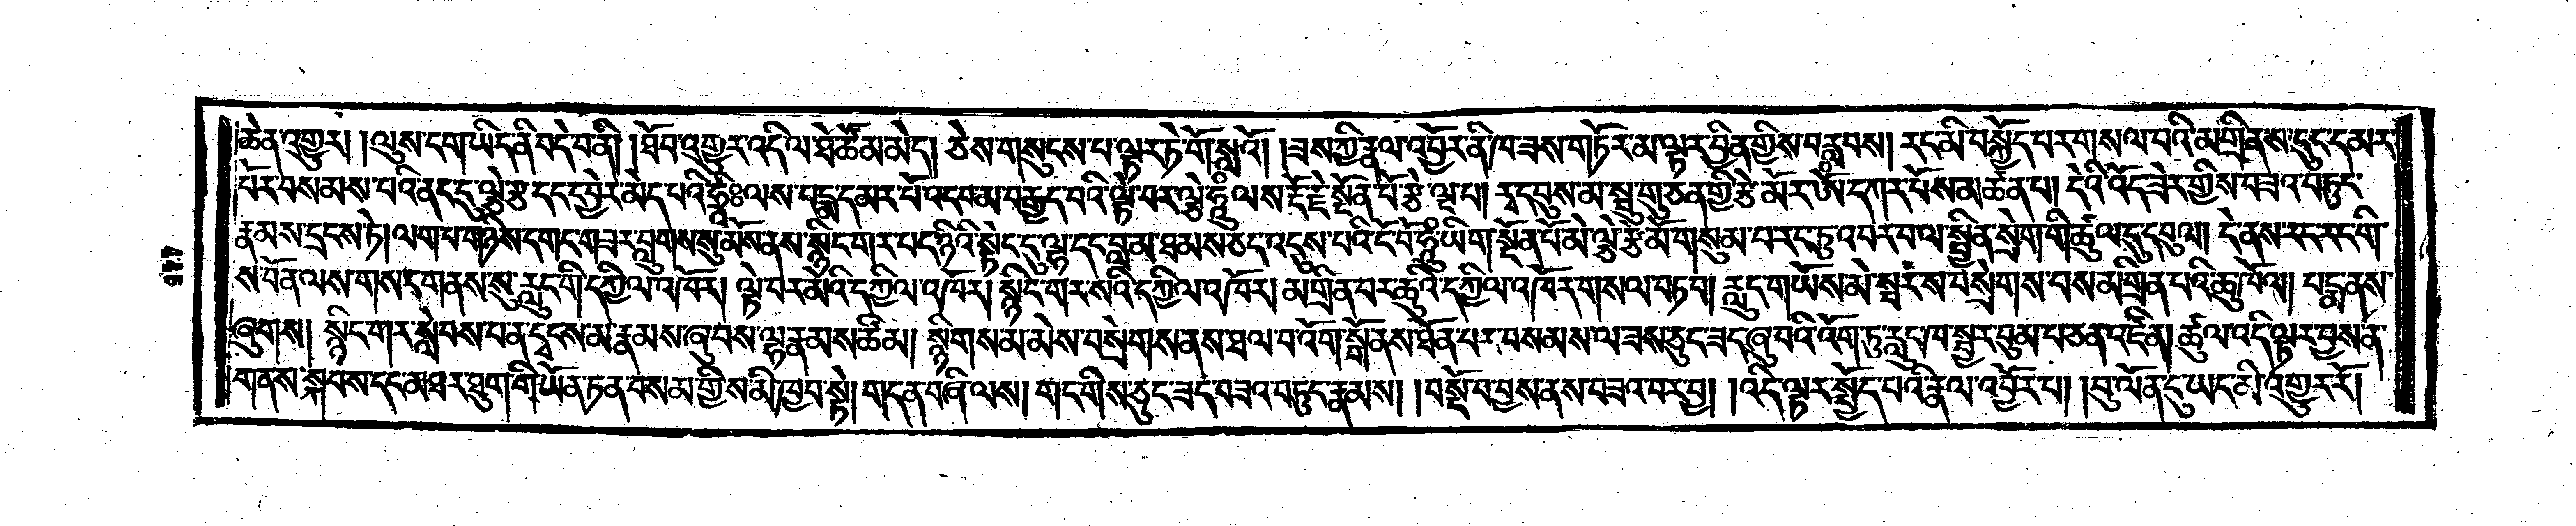ཆེན་འགྱུར། །ལུས་ངག་ཡིད་ནི་བདེ་བ་ནི། །ཐོབ་འགྱུར་འདི་ལ་ཐེ་ཚོམ་མེད། ཅེས་གསུངས་པ་ལྟར་ཏེ་གོ་སླའོ། །ཟས་ཀྱི་རྣལ་འབྱོར་ནི་ཁ་ཟས་གཏོར་མ་ལྟར་བྱིན་གྱིས་བརླབས། རང་མི་བསྐྱོད་པར་གསལ་བའི་མགྲིན་པ་དུང་དམར་
པོར་བསམས་པའི་ནང་དུ་ལྕེ་རྩ་དང་དབྱེར་མེད་པའི་ཧྲཱིཿ ལས་པདམ་དམར་པོ་འདབ་མ་བརྒྱད་པའི་ལྟེ་བར་ལྕེ་ཧཱུཾ་ལས་རྡོ་རྗེ་སྔོན་པོ་རྩེ་ལྔ་པ། རྭ་དབུས་མ་སྦུ་གུ་ཅན་གྱི་རྩེ་མོར་ཨོཾ་དཀར་པོས་མཚན་པ། དེའི་འོད་ཟེར་གྱིས་བཟའ་བཏུང་
རྣམས་དྲངས་ཏེ། ལག་པ་གཉིས་དགང་གཟར་བླུགས་སུ་མོས་ནས་སྙིང་གར་པད་ཉིའི་སྟེང་དུ་ལྷ་དང་བླ་མ་ཐམས་ཅད་འདུས་པའི་ངོ་བོ་ཧཱུཾ་ཡིག་སྔོན་པོ་མེ་ལྕེ་རྩེ་མོ་གསུམ་པ་རབ་ཏུ་འབར་བ་ལ་སྦྱིན་སྲེག་གི་ཚུལ་དུ་དབུལ། དེ་ནས་རང་རང་གི་
ས་བོན་ལས་གསང་གནས་སུ་རླུང་གི་དཀྱིལ་འཁོར། ལྟེ་བར་མོའི་དཀྱིལ་འཁོར། སྙིང་གར་སའི་དཀྱིལ་འཁོར། མགྲིན་པར་ཆུའི་དཀྱིལ་འཁོར་གསལ་བཏབ། རླུང་གཡོས་མེ་སྦར་ས་བསྲེགས་པས་མགྲིན་པའི་ཆུ་ཁོལ། པདམ་ནས་
ཞུགས། སྙིང་གར་སླེབས་པ་ན་དྭངས་མ་རྣམས་ཞུ་བས་ལྷ་རྣམས་ཚིམ། སྙིགས་མ་མེས་བསྲེགས་ནས་ཐལ་བ་འོག་སྒོ་ནས་ཐོན་པར་བསམས་ལ་ཟས་ཅུད་ཟད་ཞུ་བའི་འོག་ཏུ་རླུང་ཁ་སྦྱར་བུམ་པ་ཅན་འཛིན། ཚུལ་འདི་ལྟར་བྱས་ན་
གནས་སྐབས་དང་མཐར་ཐུག་གི་ཡོན་ཏན་བསམ་གྱིས་མི་ཁྱབ་སྟེ། གདན་བཞི་ལས། གང་གིས་ཅུང་ཟད་བཟའ་བཏུང་རྣམས། །བསྔོ་བ་བྱས་ནས་བཟའ་བར་བྱ། །འདི་ལྟར་སྤྱོད་པའི་རྣལ་འབྱོར་པ། །བུ་ལོན་དུ་ཡང་མི་འགྱུར་རོ།